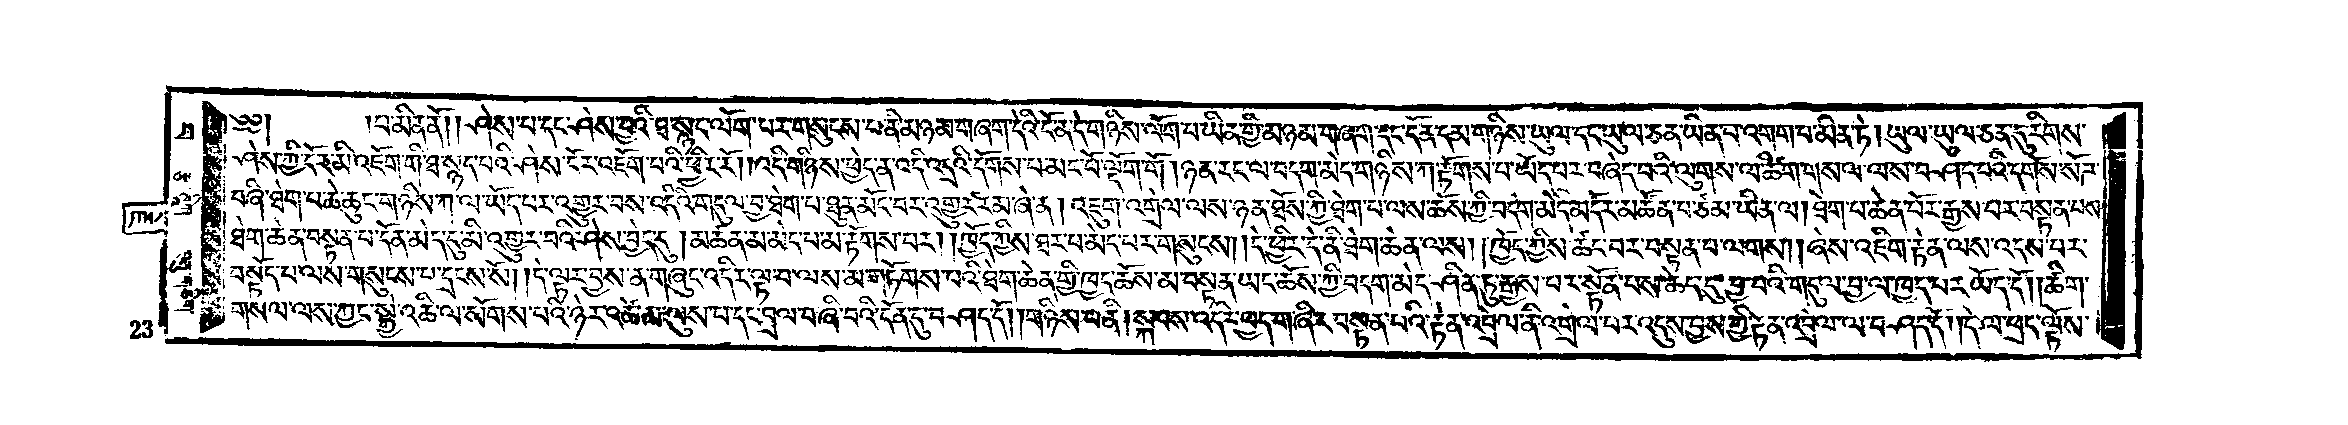༄༅། །པ་མིན་ནོ། །ཤེས་པ་དང་ཤེས་བྱའི་ཐ་སྙད་ལོག་པར་གསུངས་པ་ནི་མཉམ་གཞག་དེའི་ངོ་ན་དེ་གཉིས་ལོག་པ་ཡིན་གྱི་མཉམ་གཞག་དང་དོན་དམ་གཉིས་ཡུལ་དང་ཡུལ་ཅན་ཡིན་པ་འགོག་པ་མིན་ཏེ། ཡུལ་ཡུལ་ཅན་དུ་རིགས་
ཤེས་ཀྱི་ངོར་མི་འཇོག་གི་ཐ་སྙད་པའི་ཤེས་ངོར་འཇོག་པའི་ཕྱིར་རོ། །འདི་གཉིས་ཕྱེད་ན་འདི་འདྲའི་དོགས་པ་མང་པོ་ལྡོག་གོ། ཉན་རང་ལ་བདག་མེད་གཉིས་ཀ་རྟོགས་པ་ཡོད་པར་བཞེད་པའི་ལུགས་ལ་ཚིག་གསལ་ལས་བཤད་པའི་དགོས་སོཌ་
བཞི་ཐེག་པ་ཆེ་ཆུང་གཉིས་ཀ་ལ་ཡོད་པར་འགྱུར་བས་འདིའི་གདུལ་བྱ་ཐེག་པ་ཐུན་མོང་བར་འགྱུར་རམ་ཞེ་ན། འཇུག་འགྲེལ་ལས་ཉན་ཐོས་ཀྱི་ཐེག་པ་ལས་ཆོས་ཀྱི་བདག་མེད་མདོར་མཚོན་པ་ཙམ་ཡིན་ལ། ཐེག་པ་ཆེན་པོར་རྒྱས་པར་བསྟན་པས་
ཐེག་ཆེན་བསྟན་པ་དོན་མེད་དུ་མི་འགྱུར་བའི་ཤེས་བྱེད་དུ། མཚན་མ་མེད་པ་མ་རྟོགས་པར། །ཁྱོད་ཀྱིས་ཐར་པ་མེད་པར་གསུངས། །དེ་ཕྱིར་དེ་ནི་ཐེག་ཆེན་ལས། །ཁྱོད་ཀྱིས་ཚང་བར་བསྟན་པ་ལགས། །ཞེས་འཇིག་རྟེན་ལས་འདས་པར་
བསྟོད་པ་ལས་གསུངས་པ་དྲངས་སོ། །དེ་ལྟར་བྱས་ན་གཞུང་འདིར་ལྟ་བ་ལས་མ་གཏོགས་པའི་ཐེག་ཆེན་གྱི་ཁྱད་ཆོས་མ་བསྟན་ཡང་ཆོས་ཀྱི་བདག་མེད་ཤིན་ཏུ་རྒྱས་པར་སྟོན་པས་ཆེད་དུ་བྱ་བའི་གདུལ་བྱ་ལ་ཁྱད་པར་ཡོད་དོ། །ཚིག་
གསལ་ལས་ཀྱང་སྐྱེ་འཆི་ལ་སོགས་པའི་ཉེར་འཚེ་མ་ལུས་པ་དང་བྲལ་པ་ཞི་བའི་དོན་དུ་བཤད་དོ། །གཉིས་པ་ནི། སྐབས་འདིར་ཁྱད་གཞིར་བསྟན་པའི་རྟེན་འབྲེལ་ནི་འགྲེལ་བར་འདུས་བྱས་ཀྱི་རྟེན་འབྲེལ་ལ་བཤད་དོ། །དེ་ལ་ཕྲད་ལྟོས་